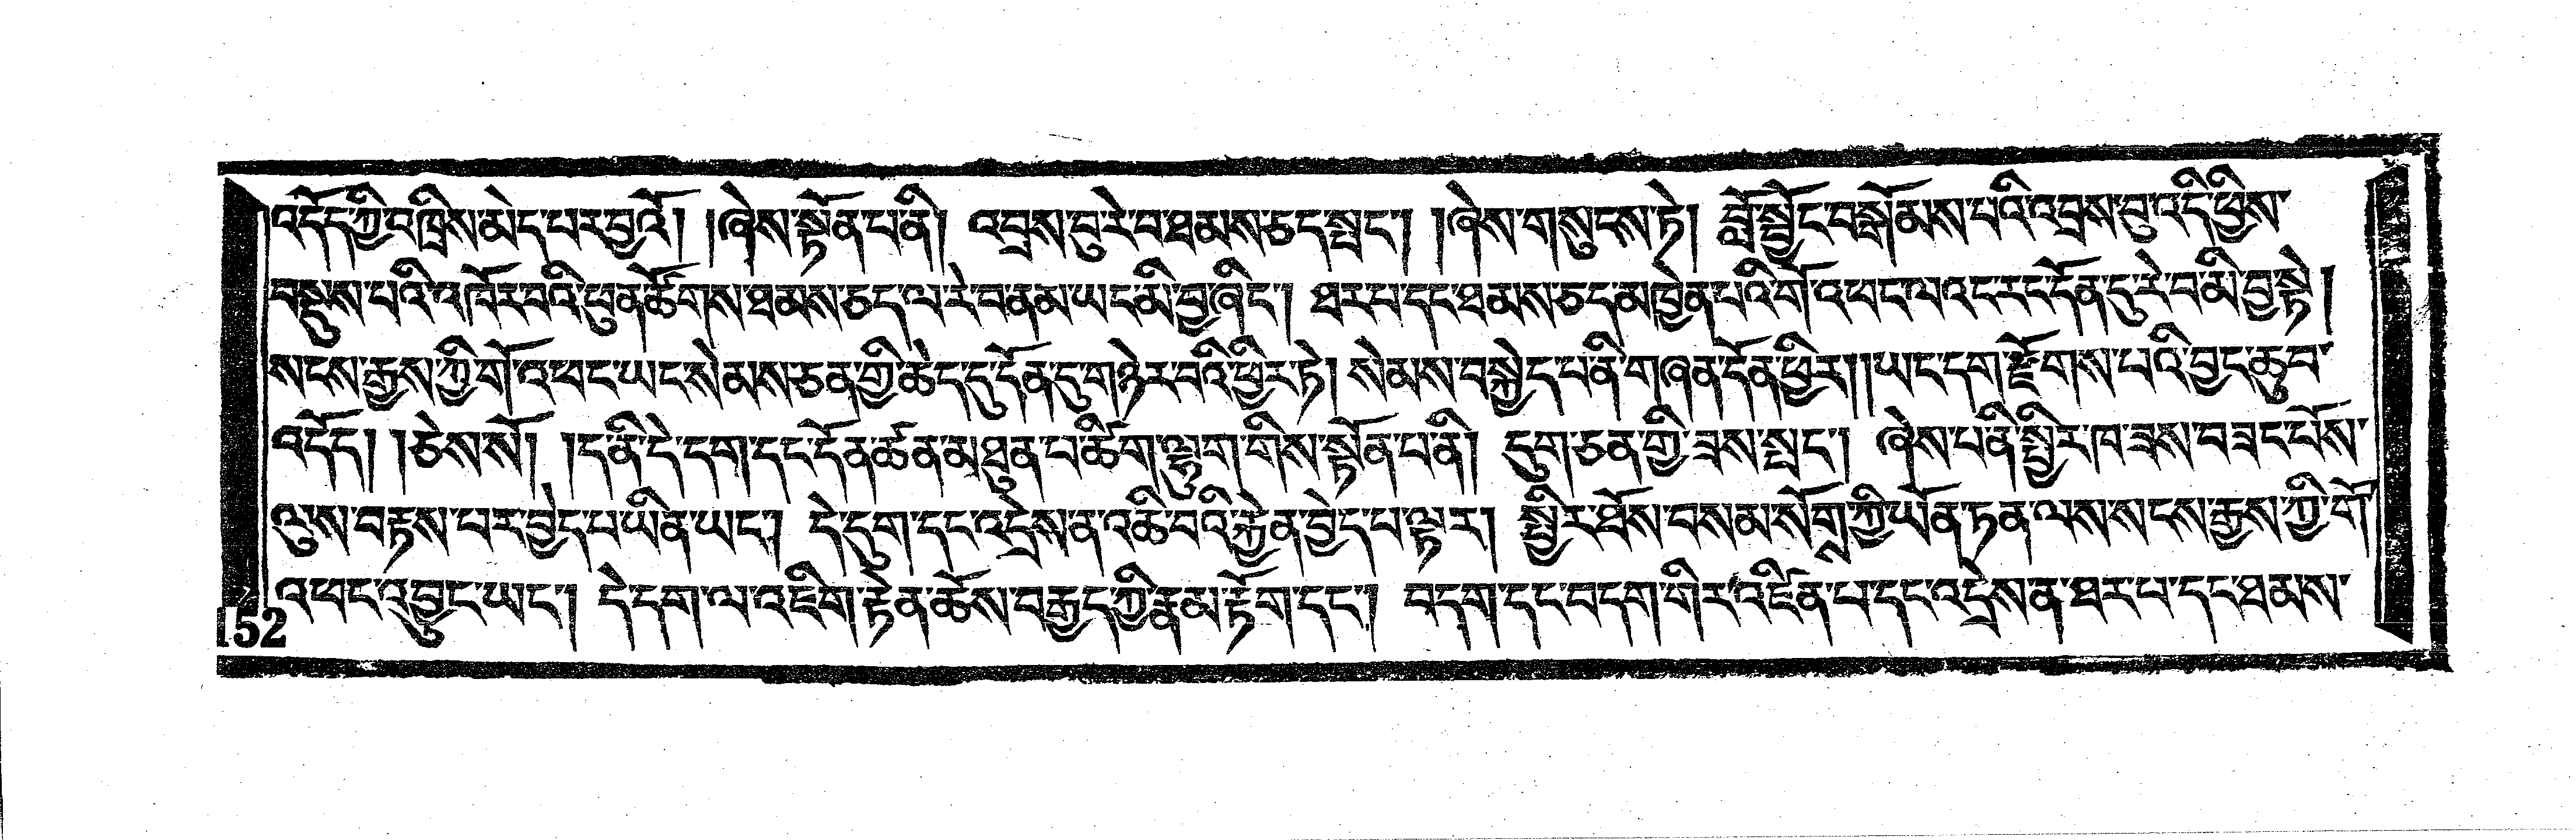འདོད་ཀྱི་འཁྲིས་མེད་པར་བྱའོ། །ཞེས་སྟོན་པ་ནི། འབྲས་བུ་རེ་བ་ཐམས་ཅད་སྤང་། །ཞེས་གསུངས་ཏེ། བློ་སྦྱོང་བསྒོམས་པའི་འབྲས་བུ་འདི་ཕྱིས་
བསྡུས་པའི་འཁོར་བའི་ཕུན་ཚོགས་ཐམས་ཅད་ལ་རེ་བ་ནམ་ཡང་མི་བྱ་ཞིང་། ཐར་པ་དང་ཐམས་ཅད་མཁྱེན་པའི་གོ་འཕང་ལའང་རང་དོན་དུ་རེ་བ་མི་བྱ་སྟེ།
སངས་རྒྱས་ཀྱི་གོ་འཕང་ཡང་སེམས་ཅན་གྱི་ཆེད་དུ་དོན་དུ་གཉེར་བའི་ཕྱིར་ཏེ། སེམས་བསྐྱེད་པ་ནི་གཞན་དོན་ཕྱིར། །ཡང་དག་རྫོགས་པའི་བྱང་ཆུབ་
འདོད། །ཅེས་སོ། །ད་ནི་དེ་དག་དང་དོན་ཚན་མཐུན་པ་ཚིག་ལྷུག་གིས་སྟོན་པ་ནི། དུག་ཅན་གྱི་ཟས་སྤང་། ཞེས་པ་ནི་སྤྱིར་ཁ་ཟས་བཟང་པོས་
ལུས་བརྟས་པར་བྱེད་པ་ཡིན་ཡང་། དེ་དུག་དང་འདྲེས་ན་འཆི་བའི་རྐྱེན་བྱེད་པ་ལྟར། སྤྱིར་ཐོས་བསམ་སོགས་ཀྱི་ཡོན་ཏན་ལས་སངས་རྒྱས་ཀྱི་གོ་
འཕང་འབྱུང་ཡང་། དེ་དག་ལ་འཇིག་རྟེན་ཆོས་བརྒྱད་ཀྱི་རྣམ་རྟོག་དང་། བདག་དང་བདག་གིར་འཛིན་པ་དང་འདྲེས་ན་ཐར་པ་དང་ཐམས་